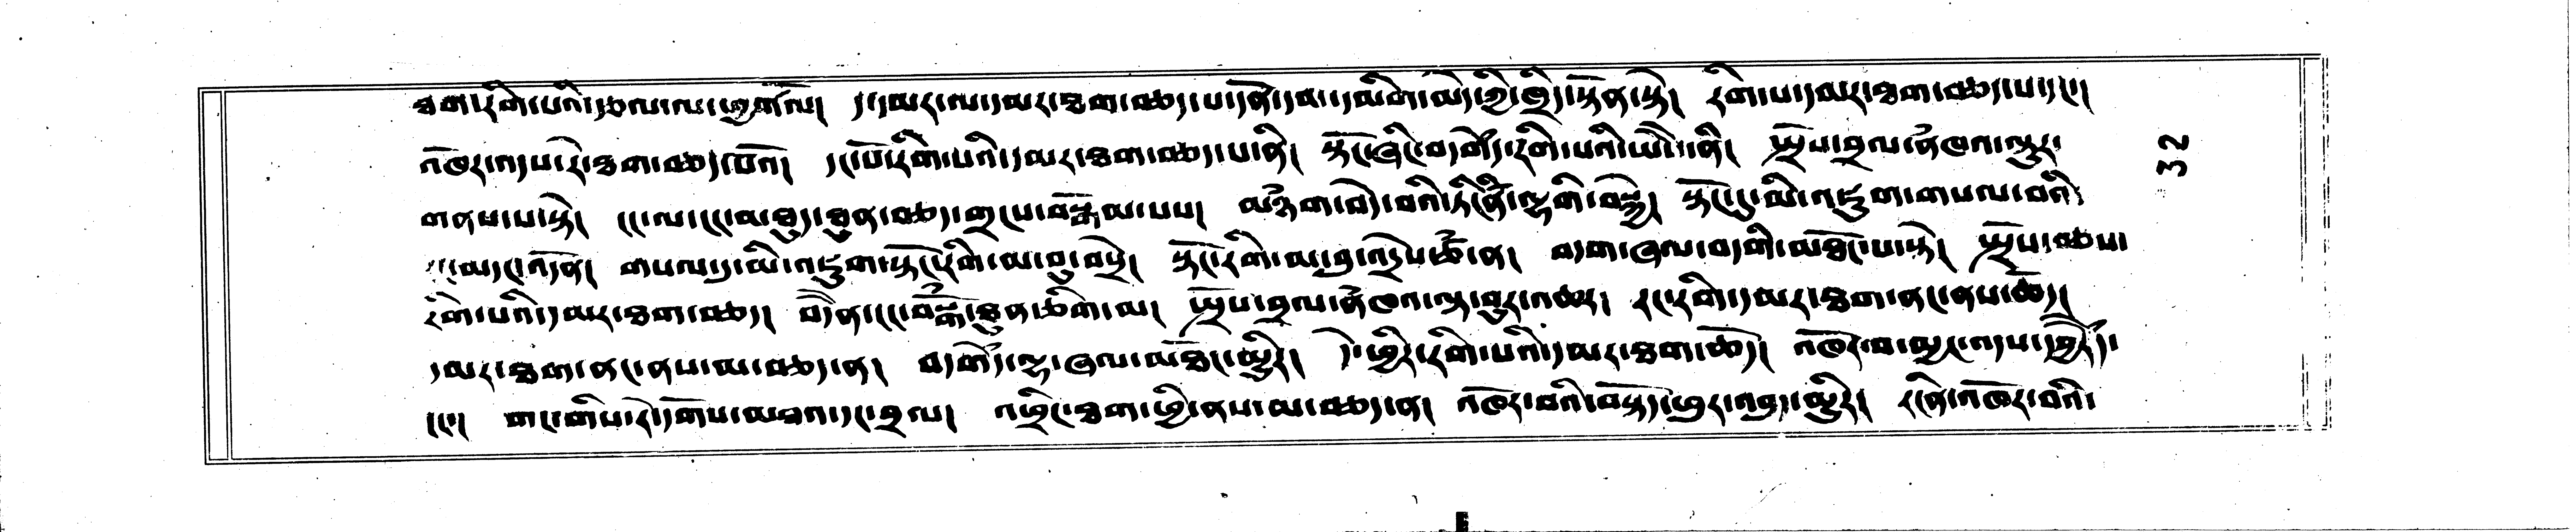ཐག་རིག་པའི་རྩལ་ལ་ཕྱག་འཚལ་ལོ། ད་མར་ལ་དམར་ཐག་བཅད་པ་དོན་དམ་དམིགས་མེད་ཀྱི་ཁྲིོད་སྟོན་ཏེ། རིག་པ་དམར་ཐག་བཅད་པ་དང་། 
འཁོར་འདས་རེ་ཐག་བཅད་པའོ། དང་པོ་རིག་པའི་དམར་ཐག་བཅད་པ་ནི། སྟོང་ཞིང་བདག་མེད་རིག་པའི་ཡེ་ཤེས་ནི། སྤྲོས་བྲལ་ནམ་མཁའ་ལྟ་བུར་
གནས་པ་སྟེ། ངང་ལ་ངང་མཐུད་ཐུན་བཅད་གྲངས་བསྒོམ་པས། མཉམ་གཞག་བདེ་བའི་ཏིང་འཛིན་ལྷག་གིས་སྐྱེ། སྟོང་དུ་མི་འཇུག་གསལ་བའི་
ངང་མདངས་འདོན། གསལ་དུ་མི་འཇུག་སྟོང་རིག་མ་བུ་བསྲེ། སྟོང་རིག་མ་བུ་འདྲེས་ཙམ་ན། བདག་ཞལ་བདག་གིས་མཐོང་བ་སྟེ། སྤྲོས་བཅས་
རིག་པའི་དམར་ཐག་བཅད། བདེ་ཆེན་ངང་སྒོམ་ཐུན་གཅིག་མ། སྤྲོས་བྲལ་ནམ་མཁའ་ལྟ་བུར་འཆར། རང་རིག་དམར་ཐག་ནང་ནས་ཆོད། 
དམར་ཐག་ནང་ནས་མ་བཅད་ན། བདག་མེད་ལྷ་ཞལ་མཐོང་མི་འགྱུར། དེ་ཕྱིར་རིག་པའི་དམར་ཐག་ཆོད། འཁོར་བ་མྱང་འདས་དབྱེར་མེད་
ངང་། གང་གིས་རེ་དྭོགས་མཐའ་དང་བྲལ། འཕྲིང་ཐག་ཕྱི་ནས་མ་བཅད་ན། འཁོར་བའི་རྟོད་ཕུར་འབུད་མི་འགྱུར། རང་བཞིན་འཁོར་བའི་